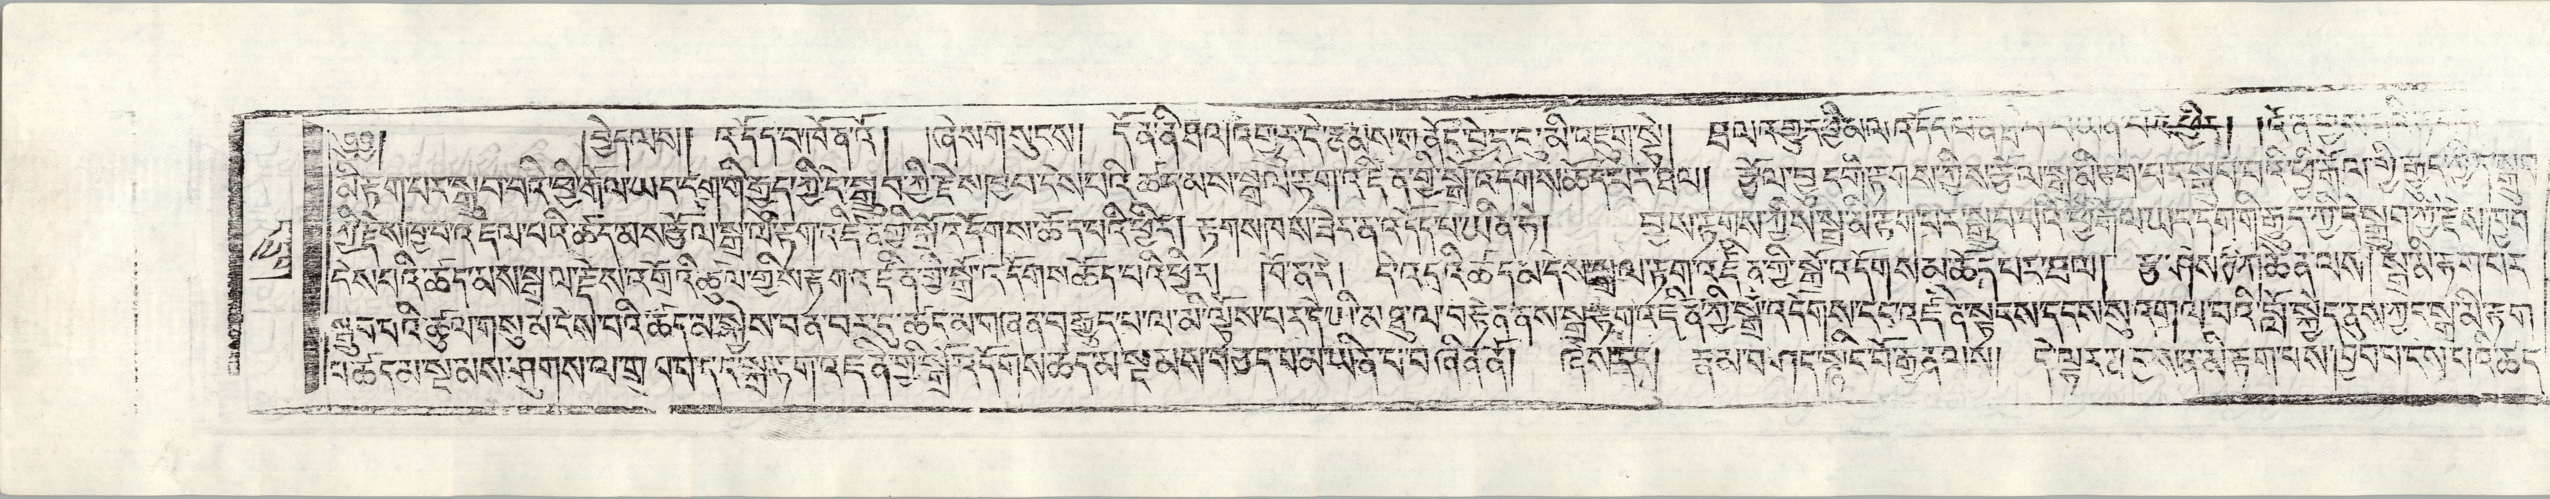༄༅། །བྱེད་ལས། འདོད་པ་ཁོ་ནའོ། །ཞེས་གསུངས། དོན་ནི་ཐལ་འགྱུར་དེ་རྣམས་གནོད་བྱེད་དུ་མི་འཇུག་སྟེ། ཐལ་འགྱུར་ཕྱི་མ་ལ་འདོད་ལན་ཐེབས་པ་ཡིན་པའི་ཕྱིར། །འོ་ན་བྱས་པའི་རྟགས་ཀྱིས་སྒྲ་
མི་རྟག་པར་སྒྲུབ་པའི་ཕྱི་རྒོལ་ཡང་དག་གི་རྒྱུད་ཀྱི་དེ་སྒྲུབ་ཀྱི་རྗེས་ཁྱབ་ངེས་པའི་ཚད་མས་སྒྲ་ལ་རྟག་འཛིན་གྱི་སྒྲོ་འདོགས་ཆོད་པར་ཐལ། རྩོལ་བྱུང་གི་རྟགས་ཀྱིས་རྩོལ་སྒྲ་མི་རྟག་པར་སྒྲུབ་པའི་ཕྱི་རྒོལ་གྱི་རྒྱུད་ཀྱི་དེ་སྒྲུབ་
ཀྱི་རྗེས་ཁྱབ་འཇལ་བའི་ཚད་མས་རྩོལ་སྒྲ་ལ་རྟག་འཛིན་གྱི་སྒྲོ་འདོགས་ཆོད་པའི་ཕྱིར། རྟགས་ཁས་ཟེར་ན་འདོད་པ་ཡིན་ཏེ། བྱས་རྟགས་ཀྱིས་སྒྲ་མི་རྟག་པར་སྒྲུབ་པའི་ཕྱི་རྒོལ་ཡང་དག་གི་རྒྱུད་ཀྱི་དེ་སྒྲུབ་ཀྱི་རྗེས་ཁྱབ་
ངེས་པའི་ཚད་མས་སྒྲ་ལ་རྗེས་འགྲོའི་ཚུལ་གྱིས་རྟག་འཛིན་གྱི་སྒྲོ་འདོགས་ཆོད་པའི་ཕྱིར། ཁོ་ན་རེ། དེ་འདྲའི་ཚད་མ་དེས་སྒྲ་ལ་རྟག་འཛིན་གྱི་སྒྲོ་འདོགས་མ་ཆོད་པར་ཐལ། རྩ་ཤེས་ཊིཀ་ཆེན་ལས། སྒྲ་མི་རྟག་པར་
སྒྲུབ་པའི་ཚུལ་གསུམ་ངེས་པའི་ཚད་མ་སྐྱེས་པ་ན་བར་དུ་ཚད་མ་གཞན་བརྒྱུད་པ་ལ་མི་ལྟོས་པར་དེ་ཡི་མཐུ་ལ་བརྟེན་ནས་སྒྲ་རྟག་འཛིན་ཀྱི་སྒྲོ་འདོགས་དང་འཛིན་སྟངས་དངོས་སུ་འགལ་བའི་བློ་སྐྱེད་ནུས་ཀྱང་སྒྲ་མི་རྟག་
པ་ཚད་མ་སྔ་མས་ཤུགས་ལ་གྲུབ་པ་དང་སྒྲ་རྟག་འཛིན་གྱི་སྒྲོ་འདོགས་ཚད་མ་སྔ་མས་བཅད་པ་མ་ཡིན་པ་བཞིན་ནོ། །ཞེས་དང་། རྣམ་བཤད་སྙིང་པོའི་རྒྱན་ལས། དེ་ལྟར་ན་བྱས་ན་མི་རྟག་པས་ཁྱབ་པ་ངེས་པའི་ཚད་